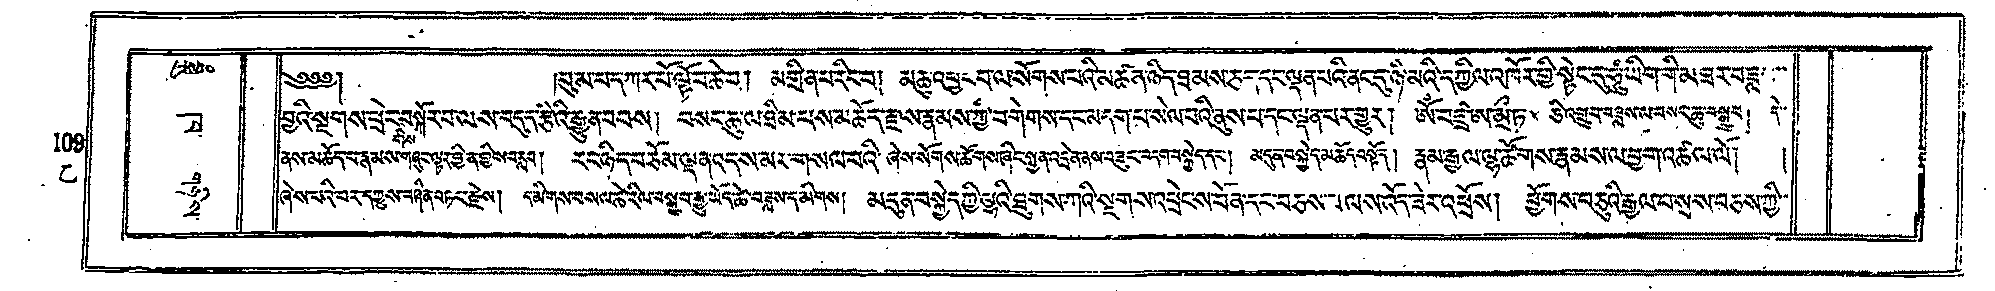༄༅༅། །བུམ་པ་དཀར་པོ་ལྟོ་བ་ཆེ་བ། མགྲིན་པ་རིང་བ། མཆུ་འཕྱང་བ་ལ་སོགས་པའི་མཚན་ཉིད་ཐམས་ཅད་དང་ལྡན་པའི་ནང་དུ་ཉི་མའི་དཀྱིལ་འཁོར་གྱི་སྟེང་དུ་ཧཱུཾ་ཡིག་གི་མཐར་བཟླ་་་
བྱའི་སྔགས་ཕྲེང་གིས་བསྐོར་བ་ལས་བདུད་རྩིའི་རྒྱུན་བབས། བསང་ཆུ་ལ་ཐིམ་པས་མཆོད་རྫས་རྣམས་ཀྱི་བགེགས་དང་མདག་པ་སེལ་བའི་ནུས་པ་དང་ལྡན་པར་གྱུར། ཨོཾ་བཛྲ་ཨ་མྲྀ་ཏ་྾་ཅི་འགྲུབ་བཟླས་ལ་བསང་ཆུ་བསྒྲུབ། དེ་་་
ནས་མཆོད་པ་རྣམས་གཞུང་ལྟར་བྱིན་གྱིས་བརླབ། རང་ཉིད་བཅོམ་ལྡན་འདས་མར་གསལ་བའི་ཞེས་སོགས་ཚོགས་ཞིང་སྤྱན་འདྲེན་ནས་བཟུང་བདག་བསྐྱེད་དང་། མདུན་བསྐྱེད་མཆོད་བསྟོད།  རྣམ་རྒྱལ་ལྷ་ཚོགས་རྣམས་ལ་ཕྱག་འཚལ་ལོ། །
ཞེས་པའི་བར་དཀྱུས་བཞིན་བཏང་རྗེས། དམིགས་བསལ་ཚེ་རིལ་བསྒྲུབ་རྒྱུ་ཡོད་ཚེ་བཟླས་དམིགས།  མདུན་བསྐྱེད་ཀྱི་ལྷའི་ཐུགས་ཀའི་སྔགས་འཕྲེང་ས་བོན་དང་བཅས་པ་ལས་འོད་ཟེར་འཕྲོས། ཕྱོགས་བཅུའི་རྒྱལ་བ་སྲས་བཅས་ཀྱི་་་